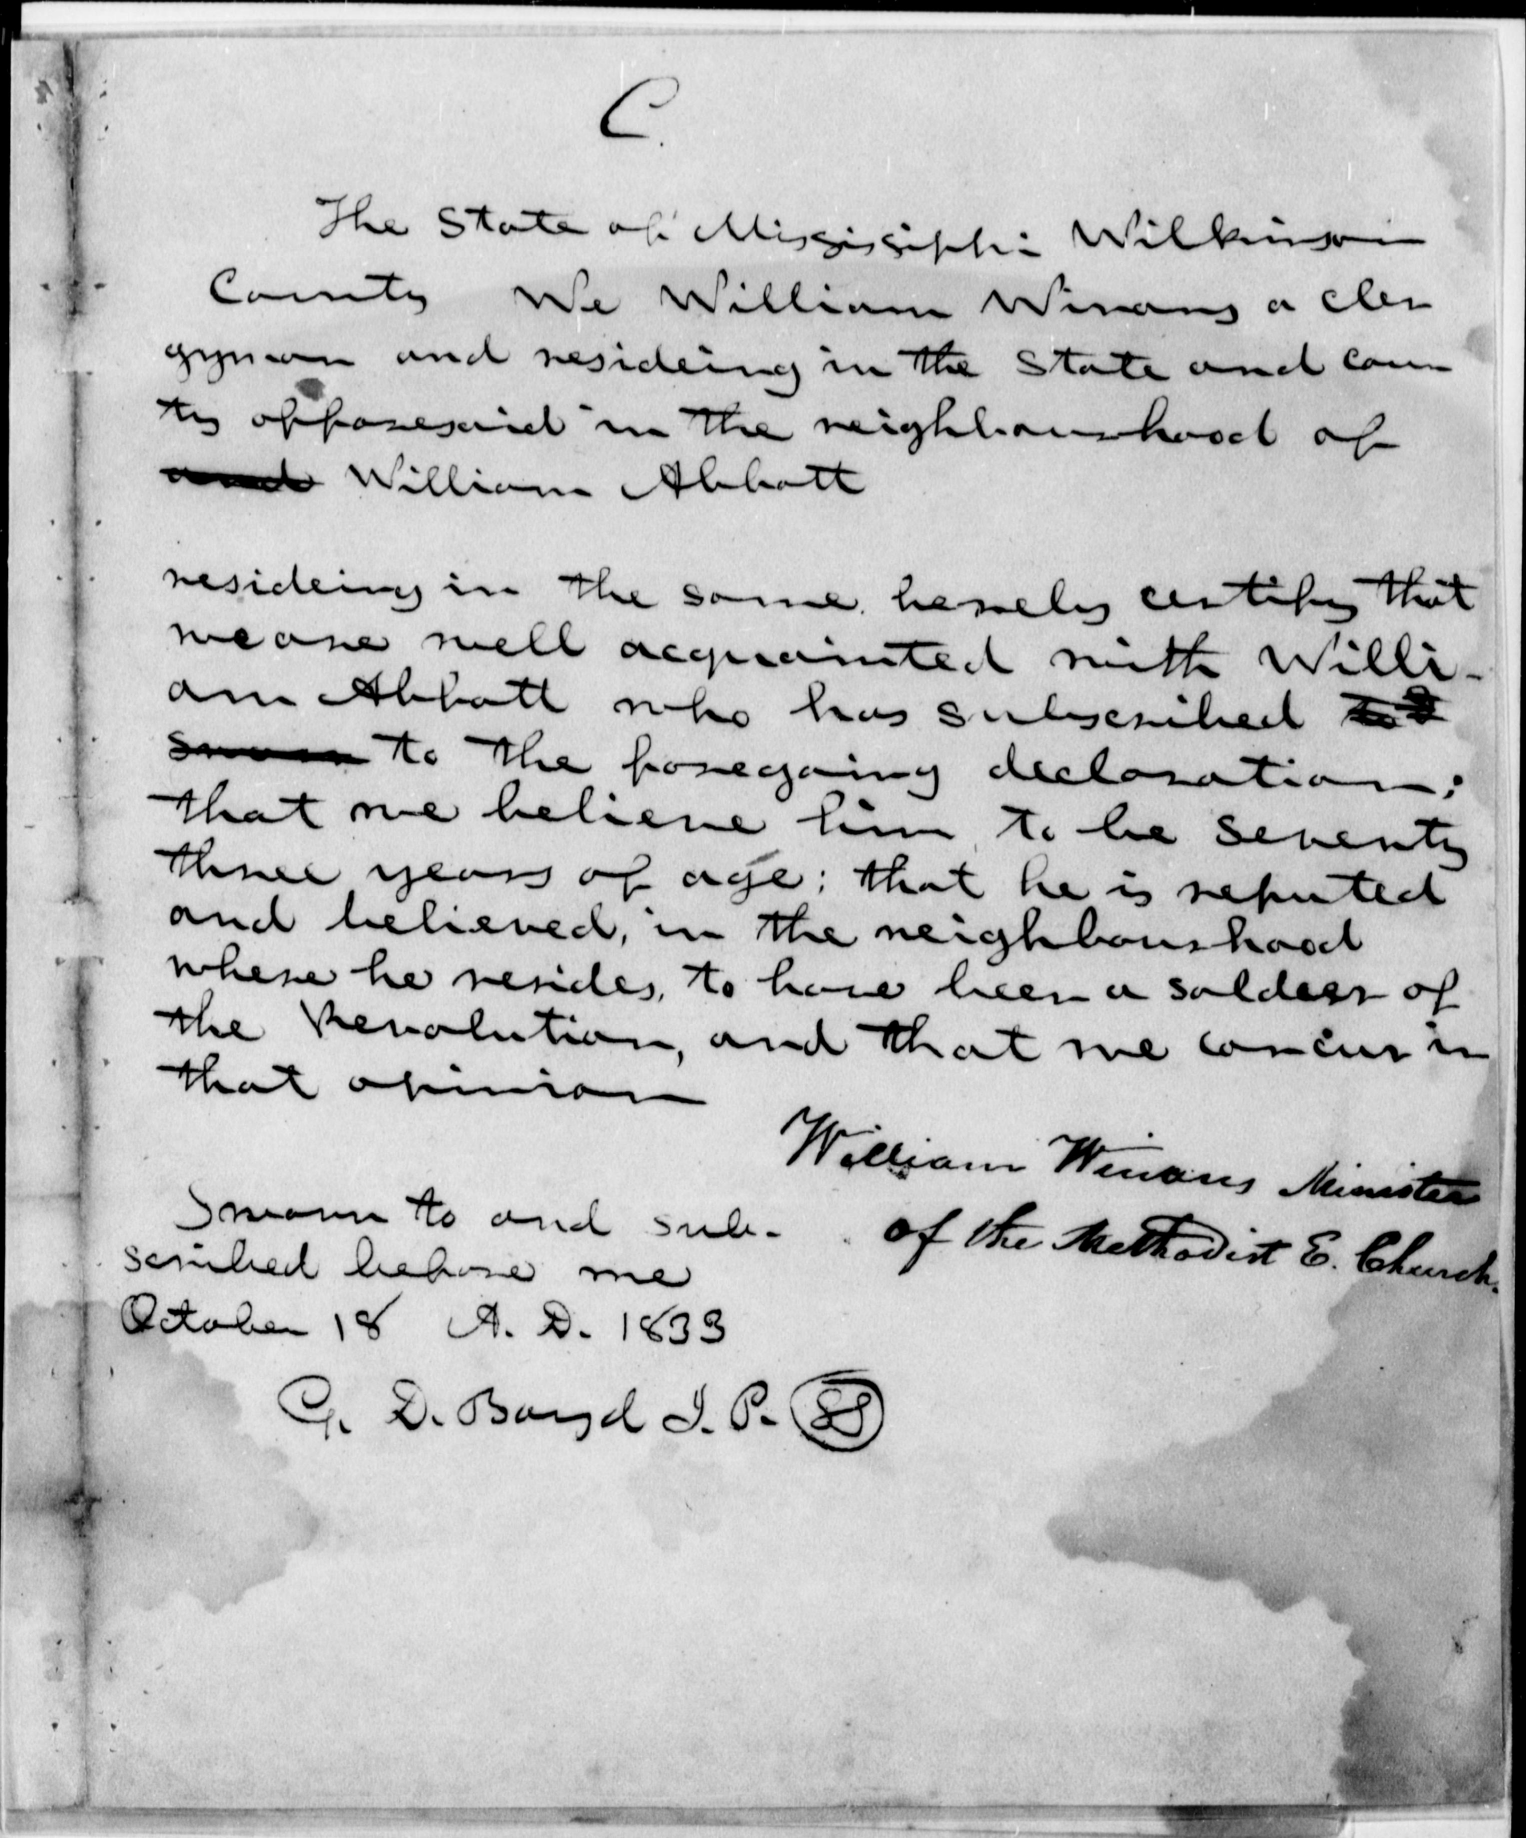C.
The State of Mississippi Wilkinson County
We William Winans a clergyman and resideing in the State and county afforesaid in the neighbourhood of William Abbott resideing in the same, hereby certify that we are well acquainted with William Abbott who has subscribed to the foregoing declaration; that we believe him to be Seventy three years of age; that he is reputed and believed, in the neighbourhood where he resides, to have been a soldier of the Revolution, and that we concur in that opinion
William Winans Minister of the Methodist E. Church.
Sworn to and subscribed before me October 18 A.D. 1833
G. D. Boyd J.P. {SS}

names: G D Boyd, William Abbott, William Winans, William Winans, William Abbott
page: 15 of 38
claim: survivor's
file: S. 30. 239, William Abbott, S.C.